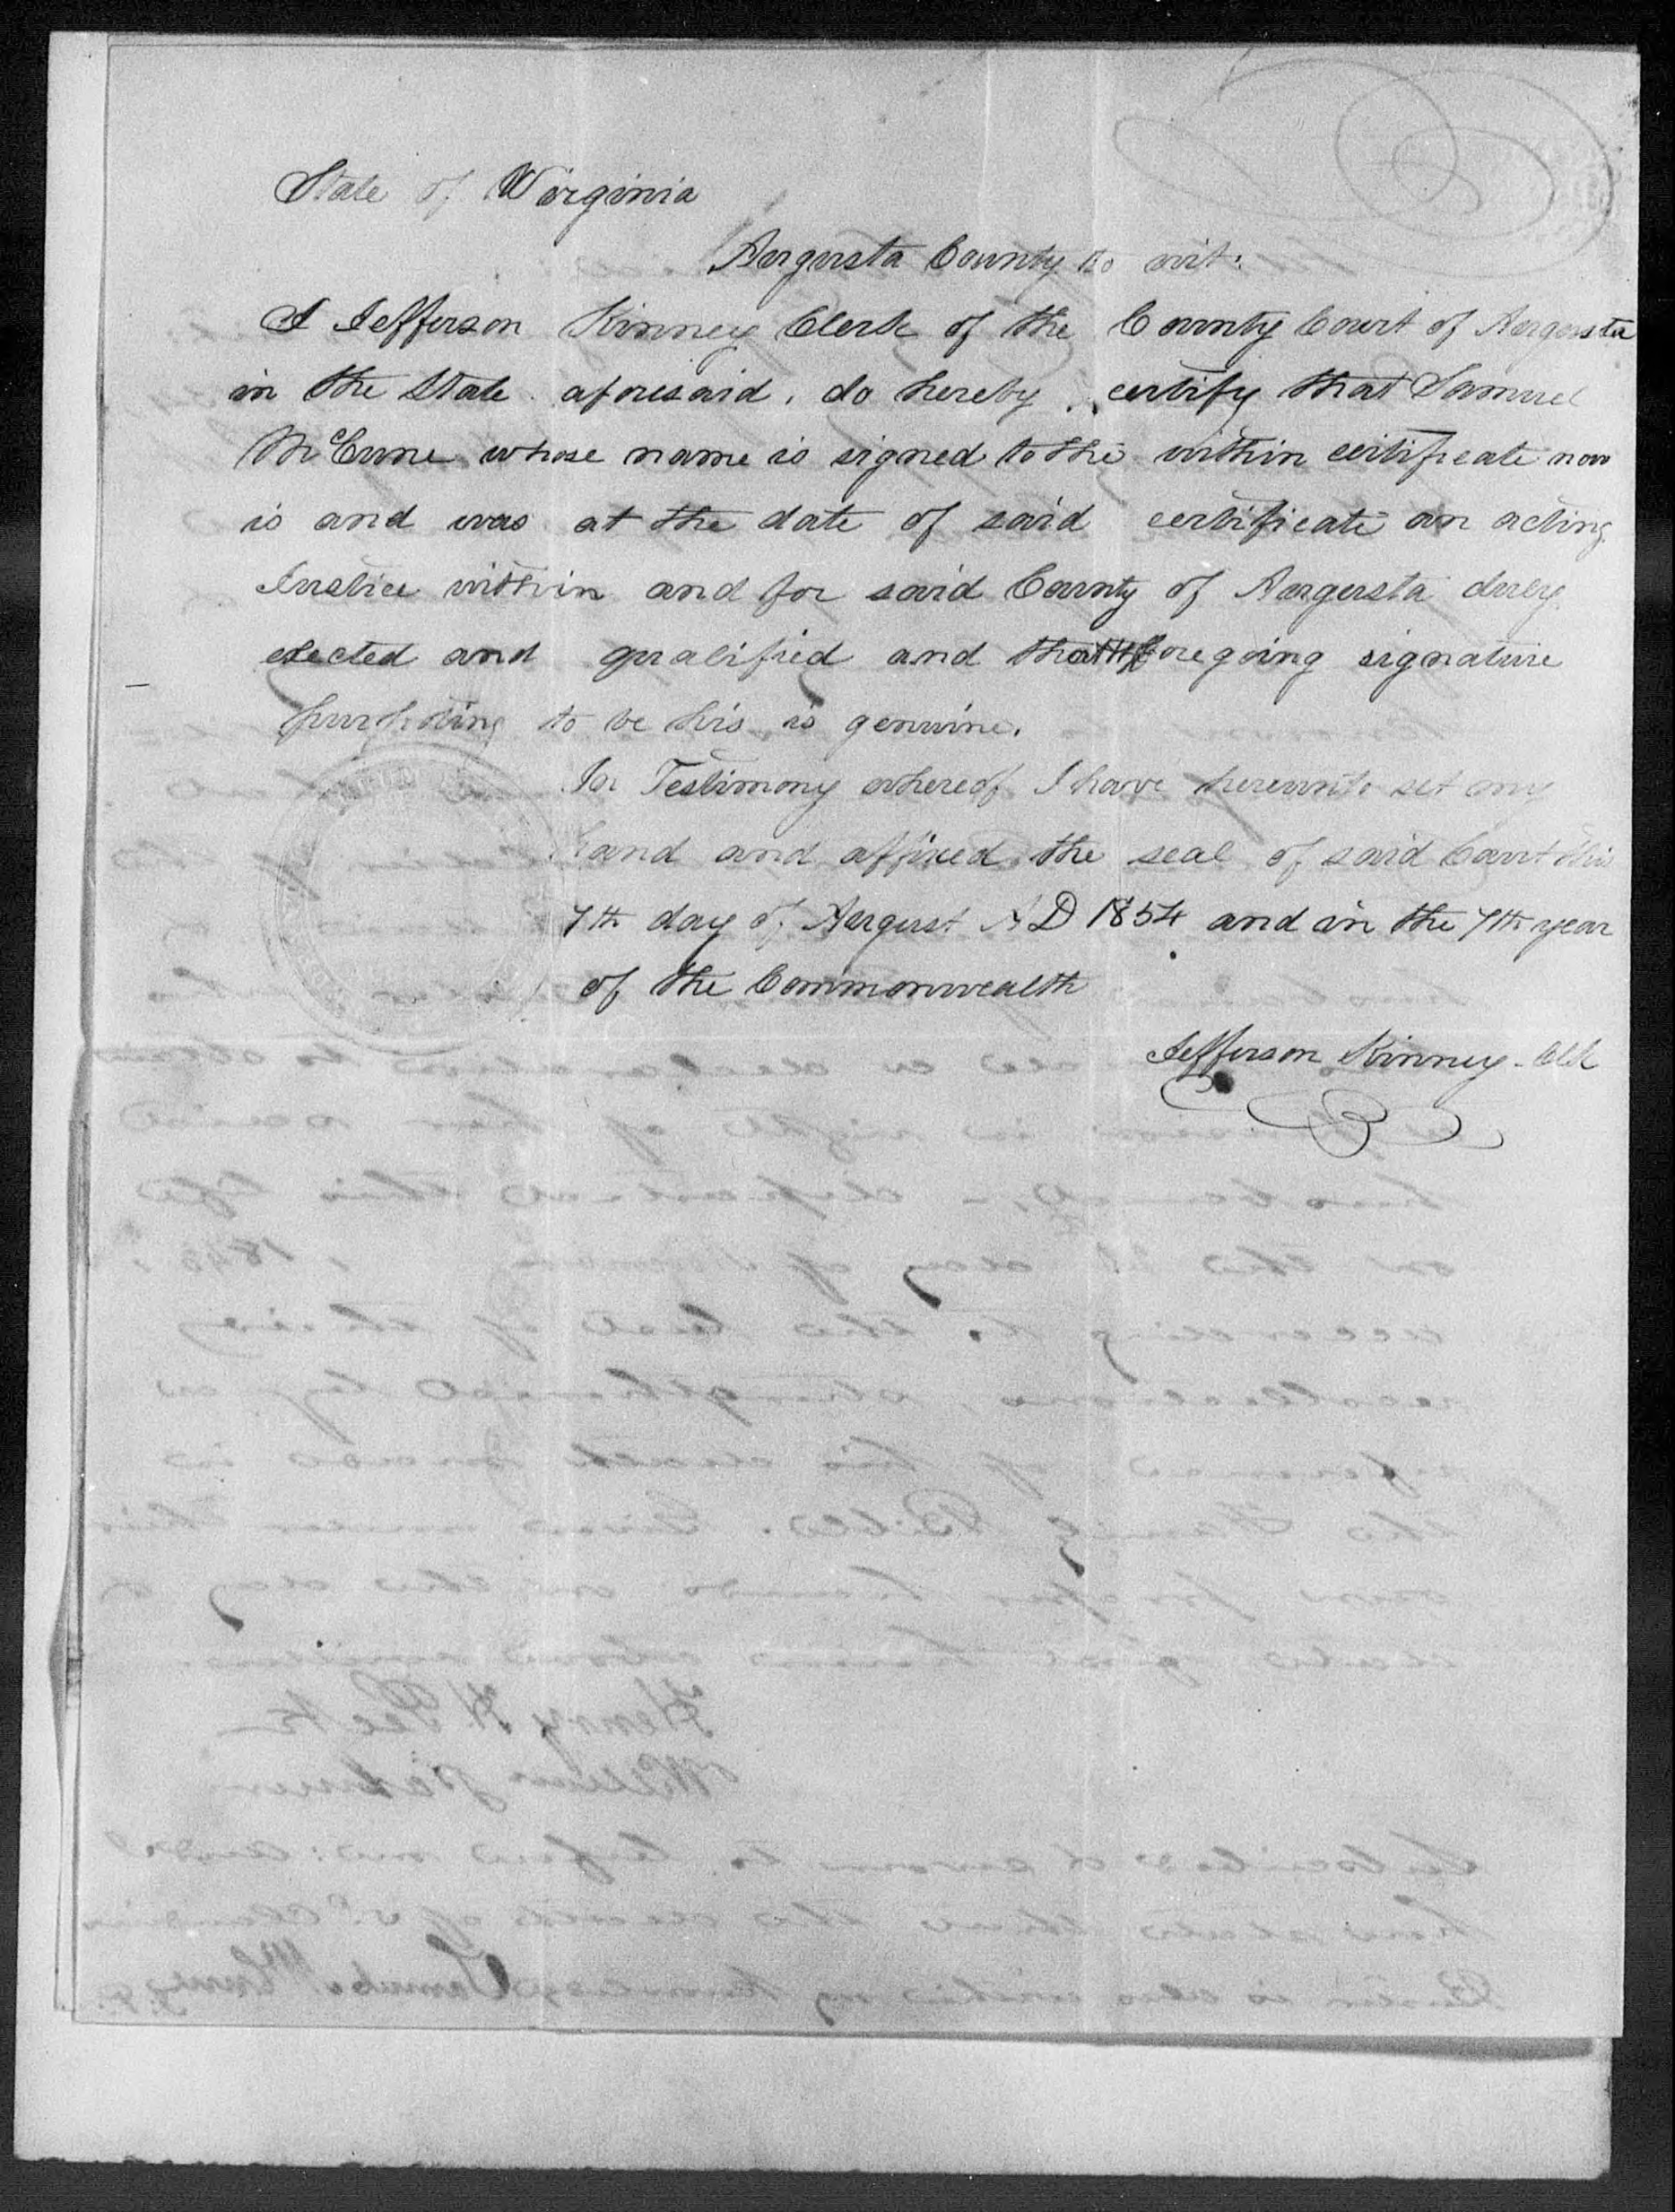State of Virginia
Augusta County to wit:

I Jefferson Kinney Clerk of the County Court of Augusta in the State aforesaid, do hereby certify that Samuel McCune whose name is signed to the within certificate an acting justice within and for said County of Augusta duly elected and qualified and that the foregoing signature purporting to be his is genuine.

In Testimony whereof I have hereunto set my hand and affixed the seal of said Court this 7th day of August AD 1854 and in the 7th year of the Commonwealth

Jefferson Kinney Clk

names: Jefferson Kinney, Samuel Mc Cune, Jefferson Kinney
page: 40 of 71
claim: widow's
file: W. 25310, Claudius Buster, Va.